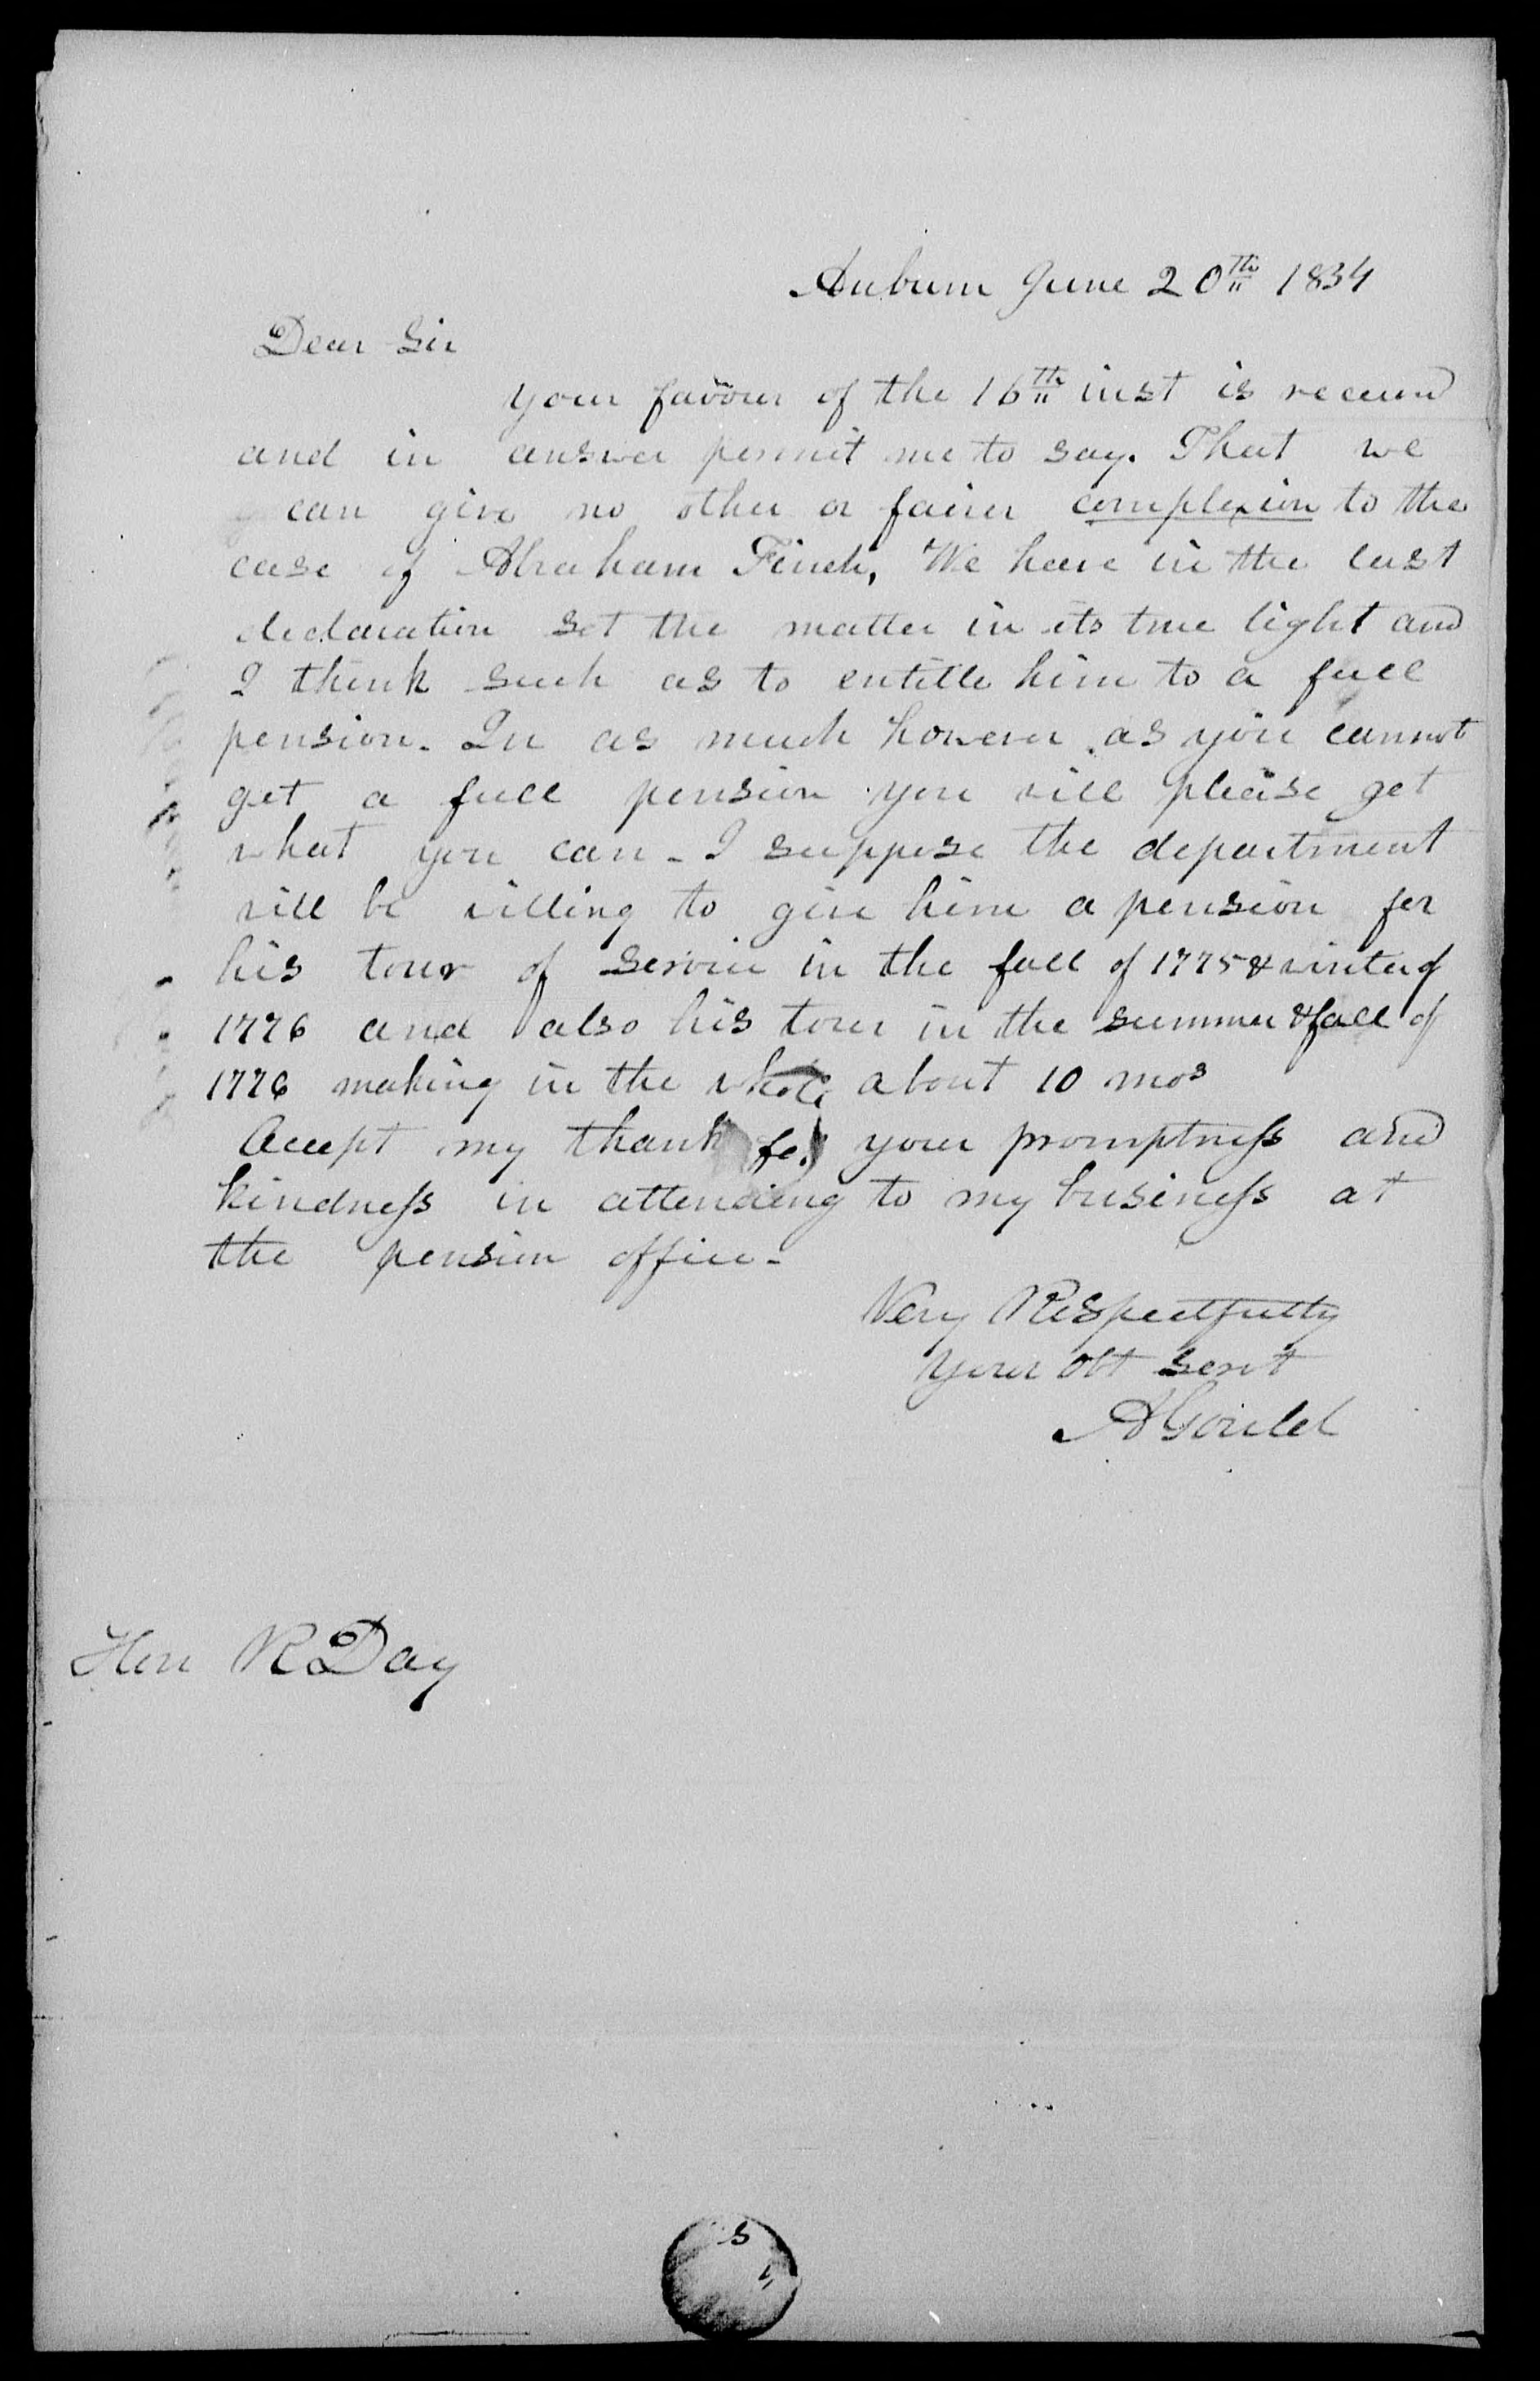Auburn June 20th 1834
Dear Sir
Your favour of the 16th inst is received and in answer permit me to say. That we can give no other or fair complexion to the case of Abraham Finch, We have in the last declaration set the matter in its true light and I think such as to entitle him to a full pension. In as much however as you cannot get a full pension you will please get what you can. I suppose the department will be willing to give him a pension for his tour of service in the fall of 1775 & winter of 1776 and also his tour in the summer & fall of 1776 making in the whole about 10 mos
Accept my thanks for your promptness and kindness in attending to my business at the pension office.
Very Respectfully
Your obt sevt
A Gould
Hen R Day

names: A Gould, R Day, Abraham Finch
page: 18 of 35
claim: survivor's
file: S. 28727, Abraham Finch, Conn.